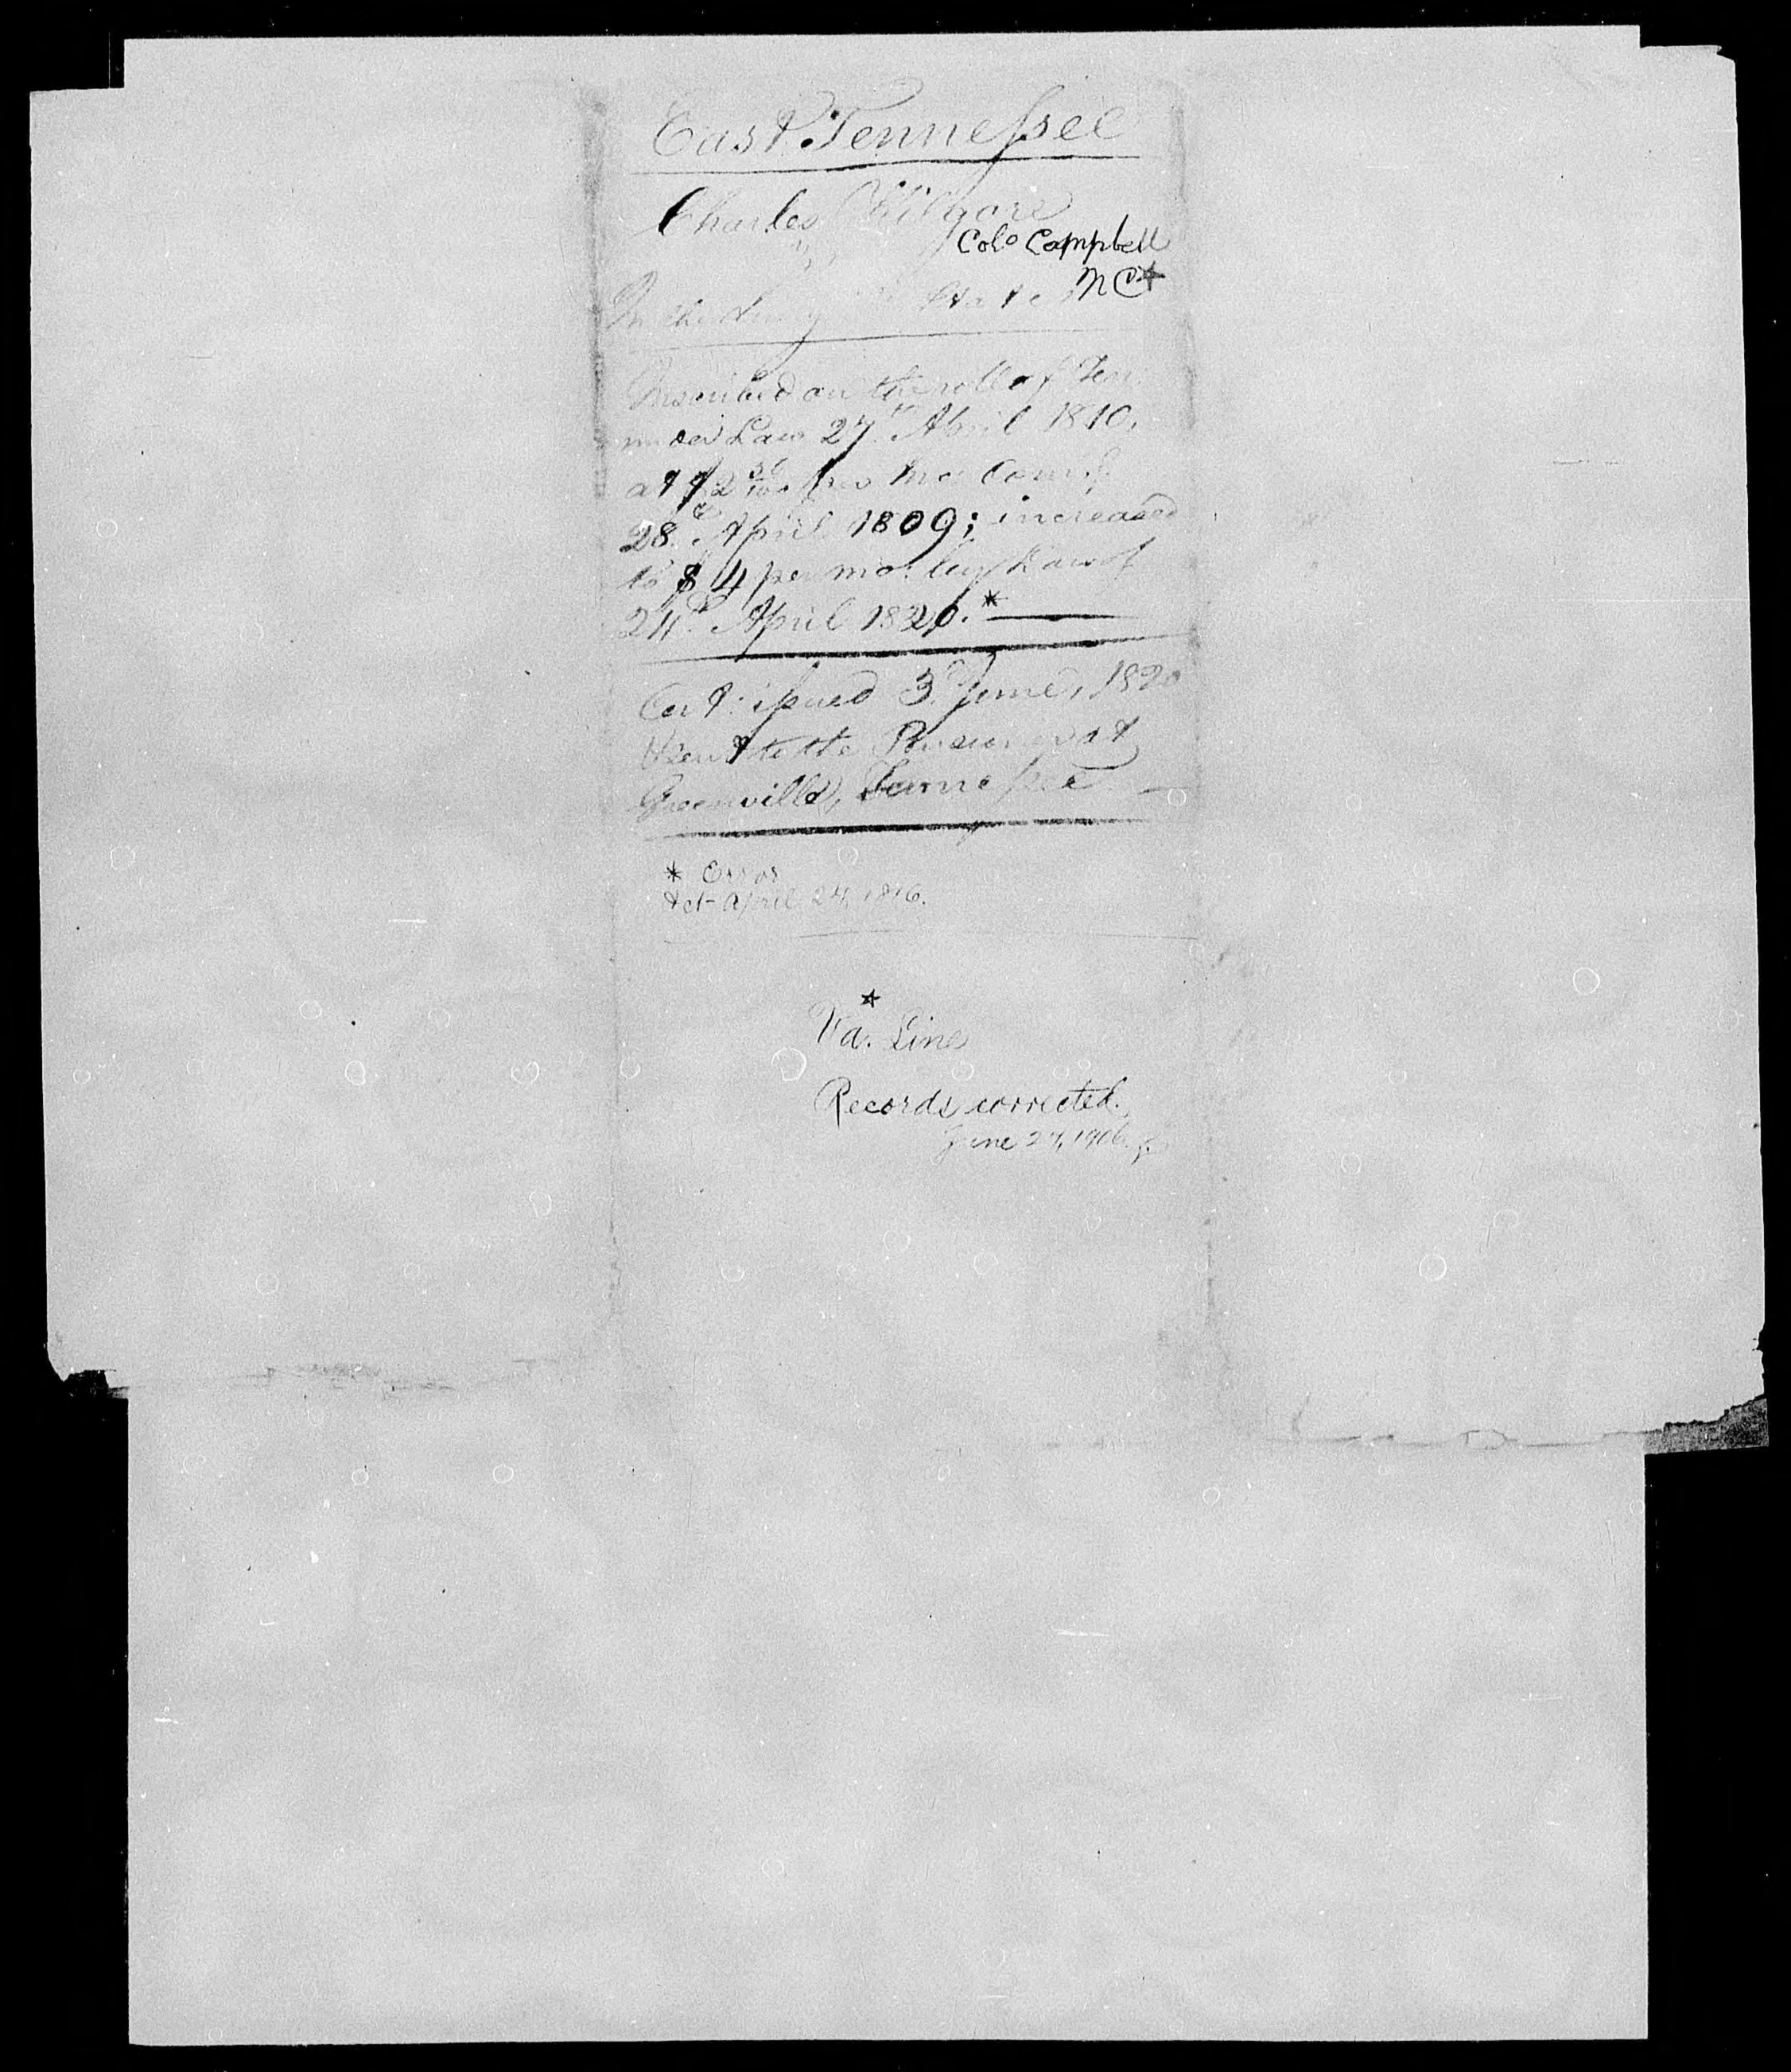East Tennessee
Charles Kilgare
Colo Campbell NC*
In the [illegible] States
Inscribed on the roll of Ten. under Law 27th April 1810, at $2 50/100 per mo. Comss
28th April 1809; increased to $4 per mo. by Law of 24th. April 1820*
Cert. issued 3d. June, 1820 & sent to the Pension agent Greenville [Greeneville], Tennessee
* Error
Act April 24, 1816

*
Va. Line
Records corrected.
June 27, 1906.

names: [BLANK] Campbell; Charles Kilgore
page: 4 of 115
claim: survivor's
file: S. 699, for Charles Kilgore, Virginia